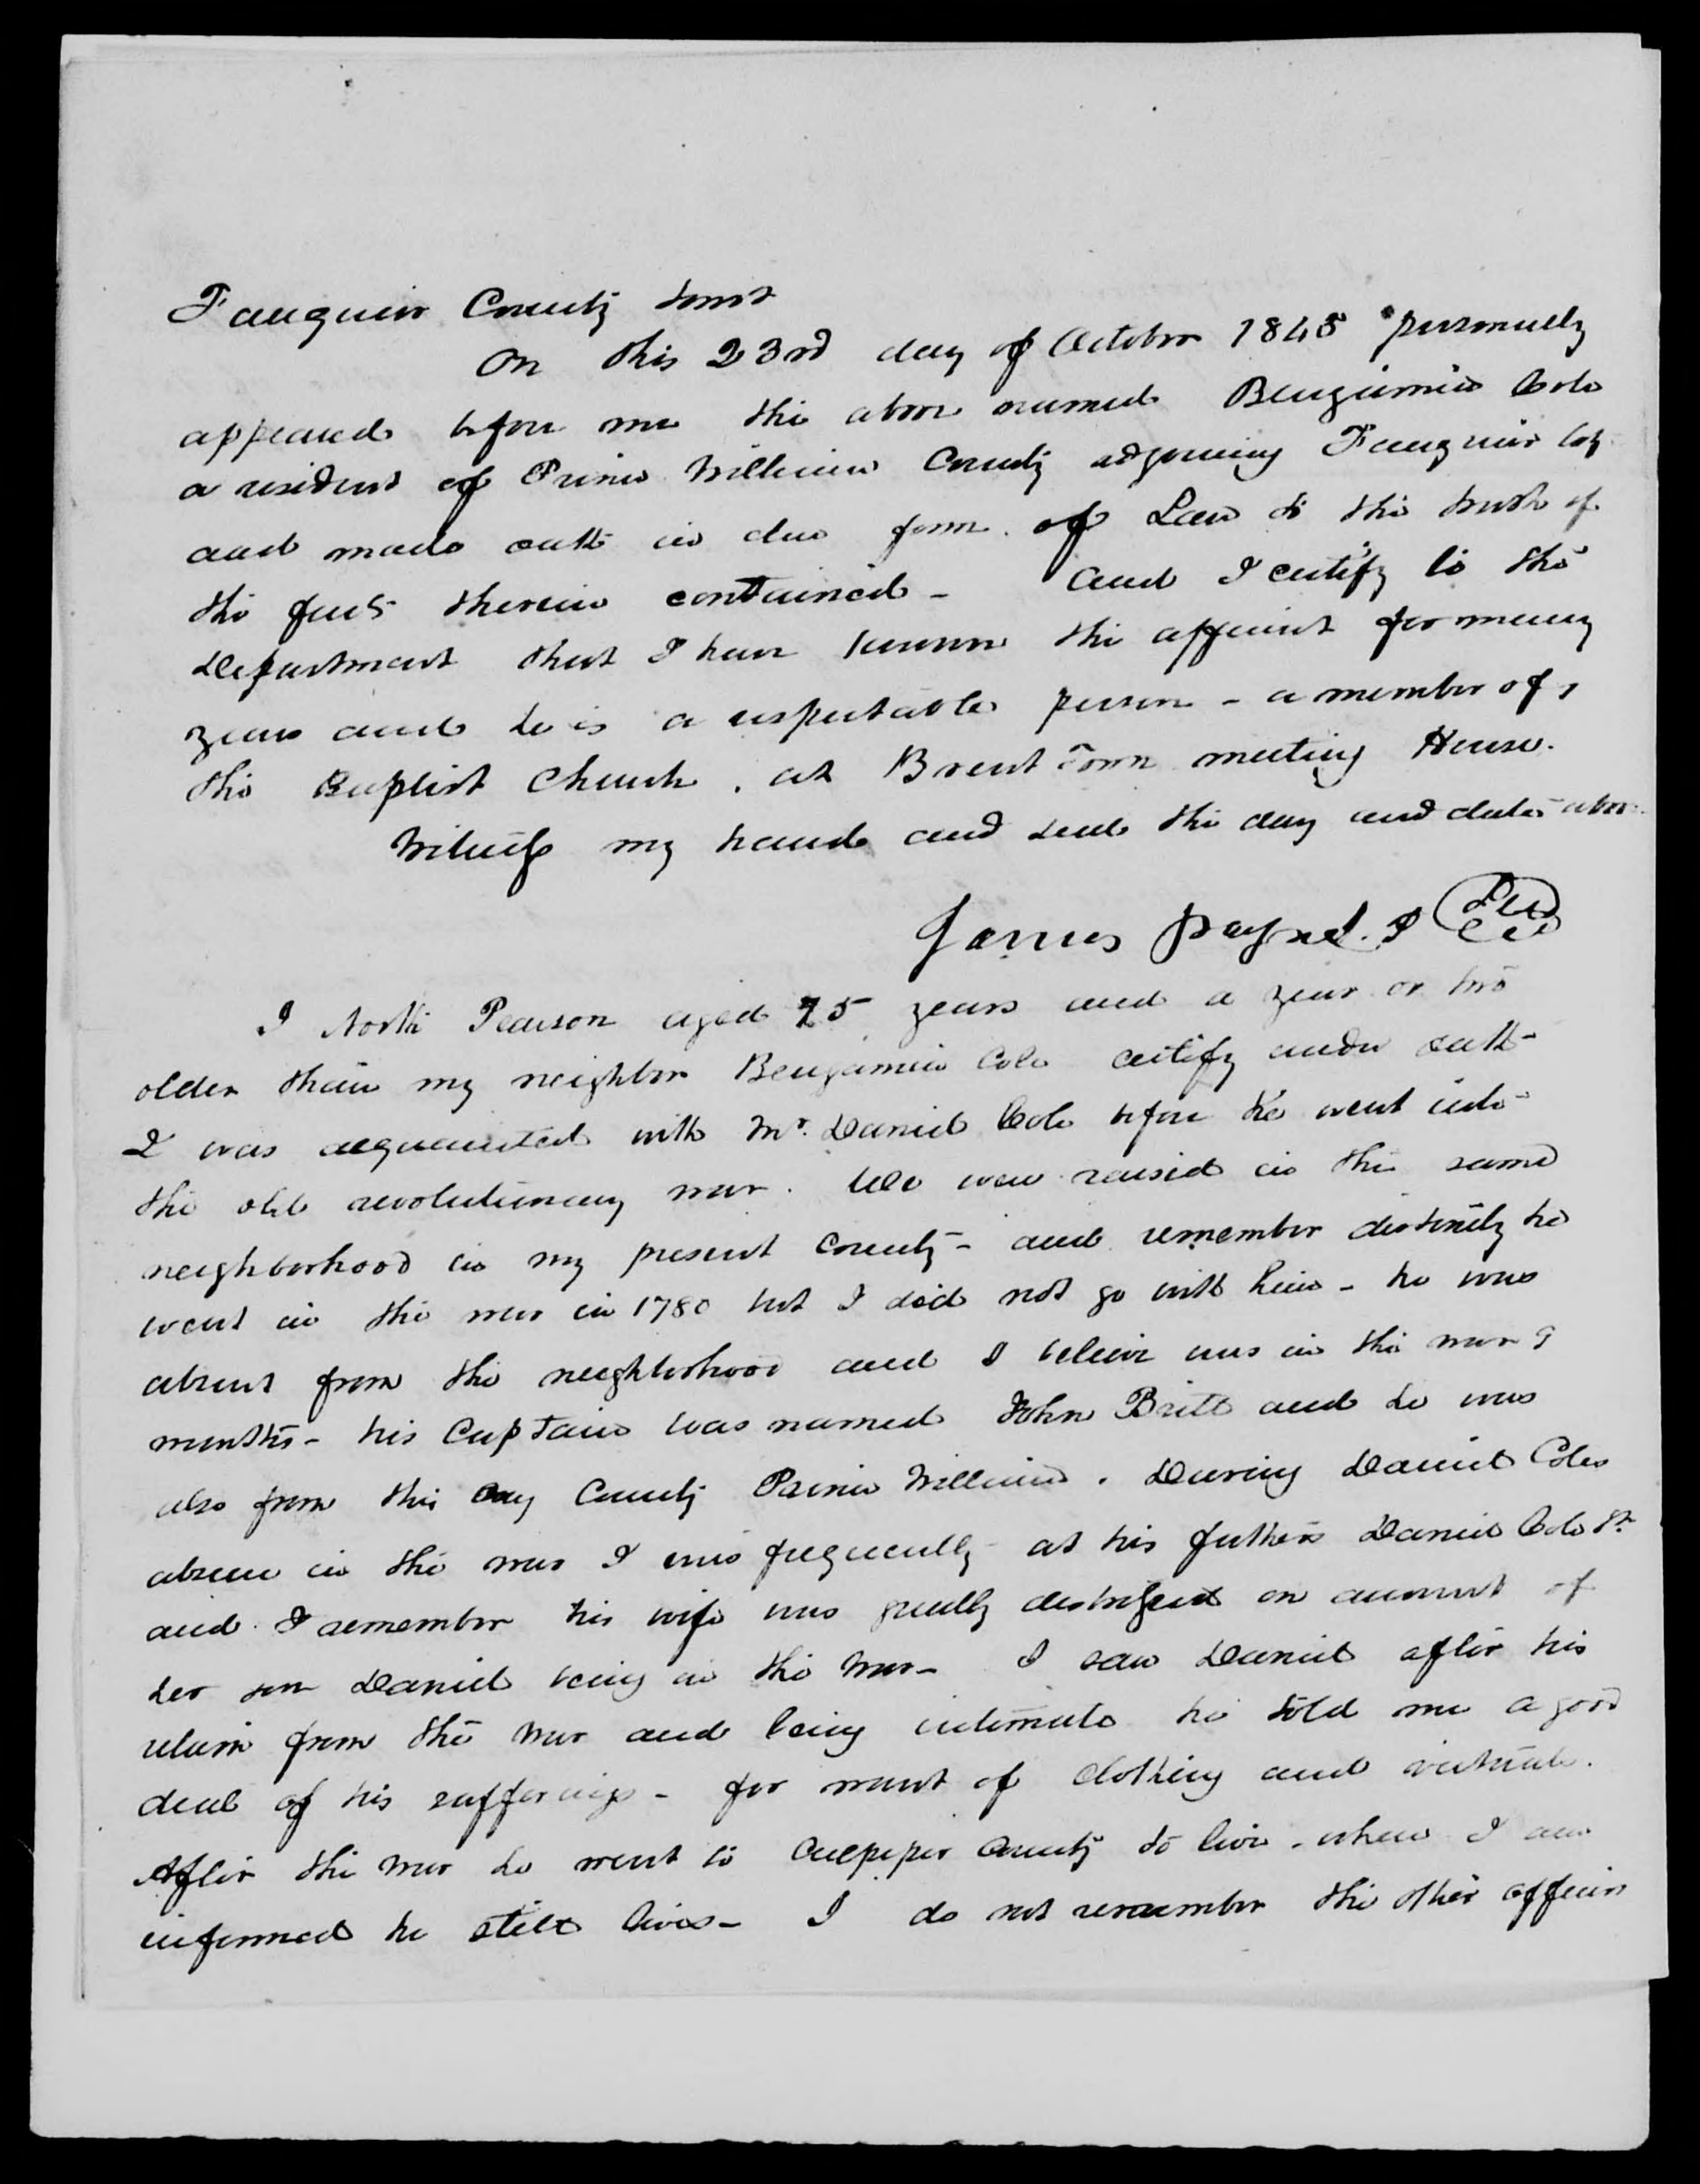Fauquier County 
On this 23rd day of October 1845 personally
appeared before me the above named Benjamin Cole a resident of Prince William County adjoining Fauquier Cty [County] and made oath in due form of Law to [illegible]  of
the [illegible]  therein contained. and I certify to the Department that I have same the affiant for many years and he is a respectable person - a member of the Baptist Church at Brent Town meeting House
Witness my hand and seal the day and date above
James Payne [seal]
I North Pearson aged 75 years and a year or two older their my neighbor Benjamin Cole certify under oath I was acquainted with Mr Daniel Cole before he went into the old revolutionary war. we were raised in this same
neighborhood in my present County and remember distinctly he went in the war in 1780 but I did not go with him-- he was
absent from the neighborhood and I believe was in the war many months his captain was named John Britt and he is also from this county County Prince William. During Daniel Coles absence in the war I was frequently at his father Daniel Cole Sr [Senior] and I remember his wife was greatly disturbed on account of her son Daniel being in the war-
I saw Daniel after his return from the war and being intimate he told me a good deal of his sufferings-- for want of clothing and [illegible].
After the war he went in Culpeper County to live when I informed he still lives - where I am informed he still lives . I do not remember the other officers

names: Daniel Coles, John Britt, Daniel, Daniel, Daniel Cole, Benjamin Cole, North Pearson, Benjamin Cole, Daniel Cole, James Payne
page: 50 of 61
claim: survivor's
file: S. 8236, Daniel Cole, Va.